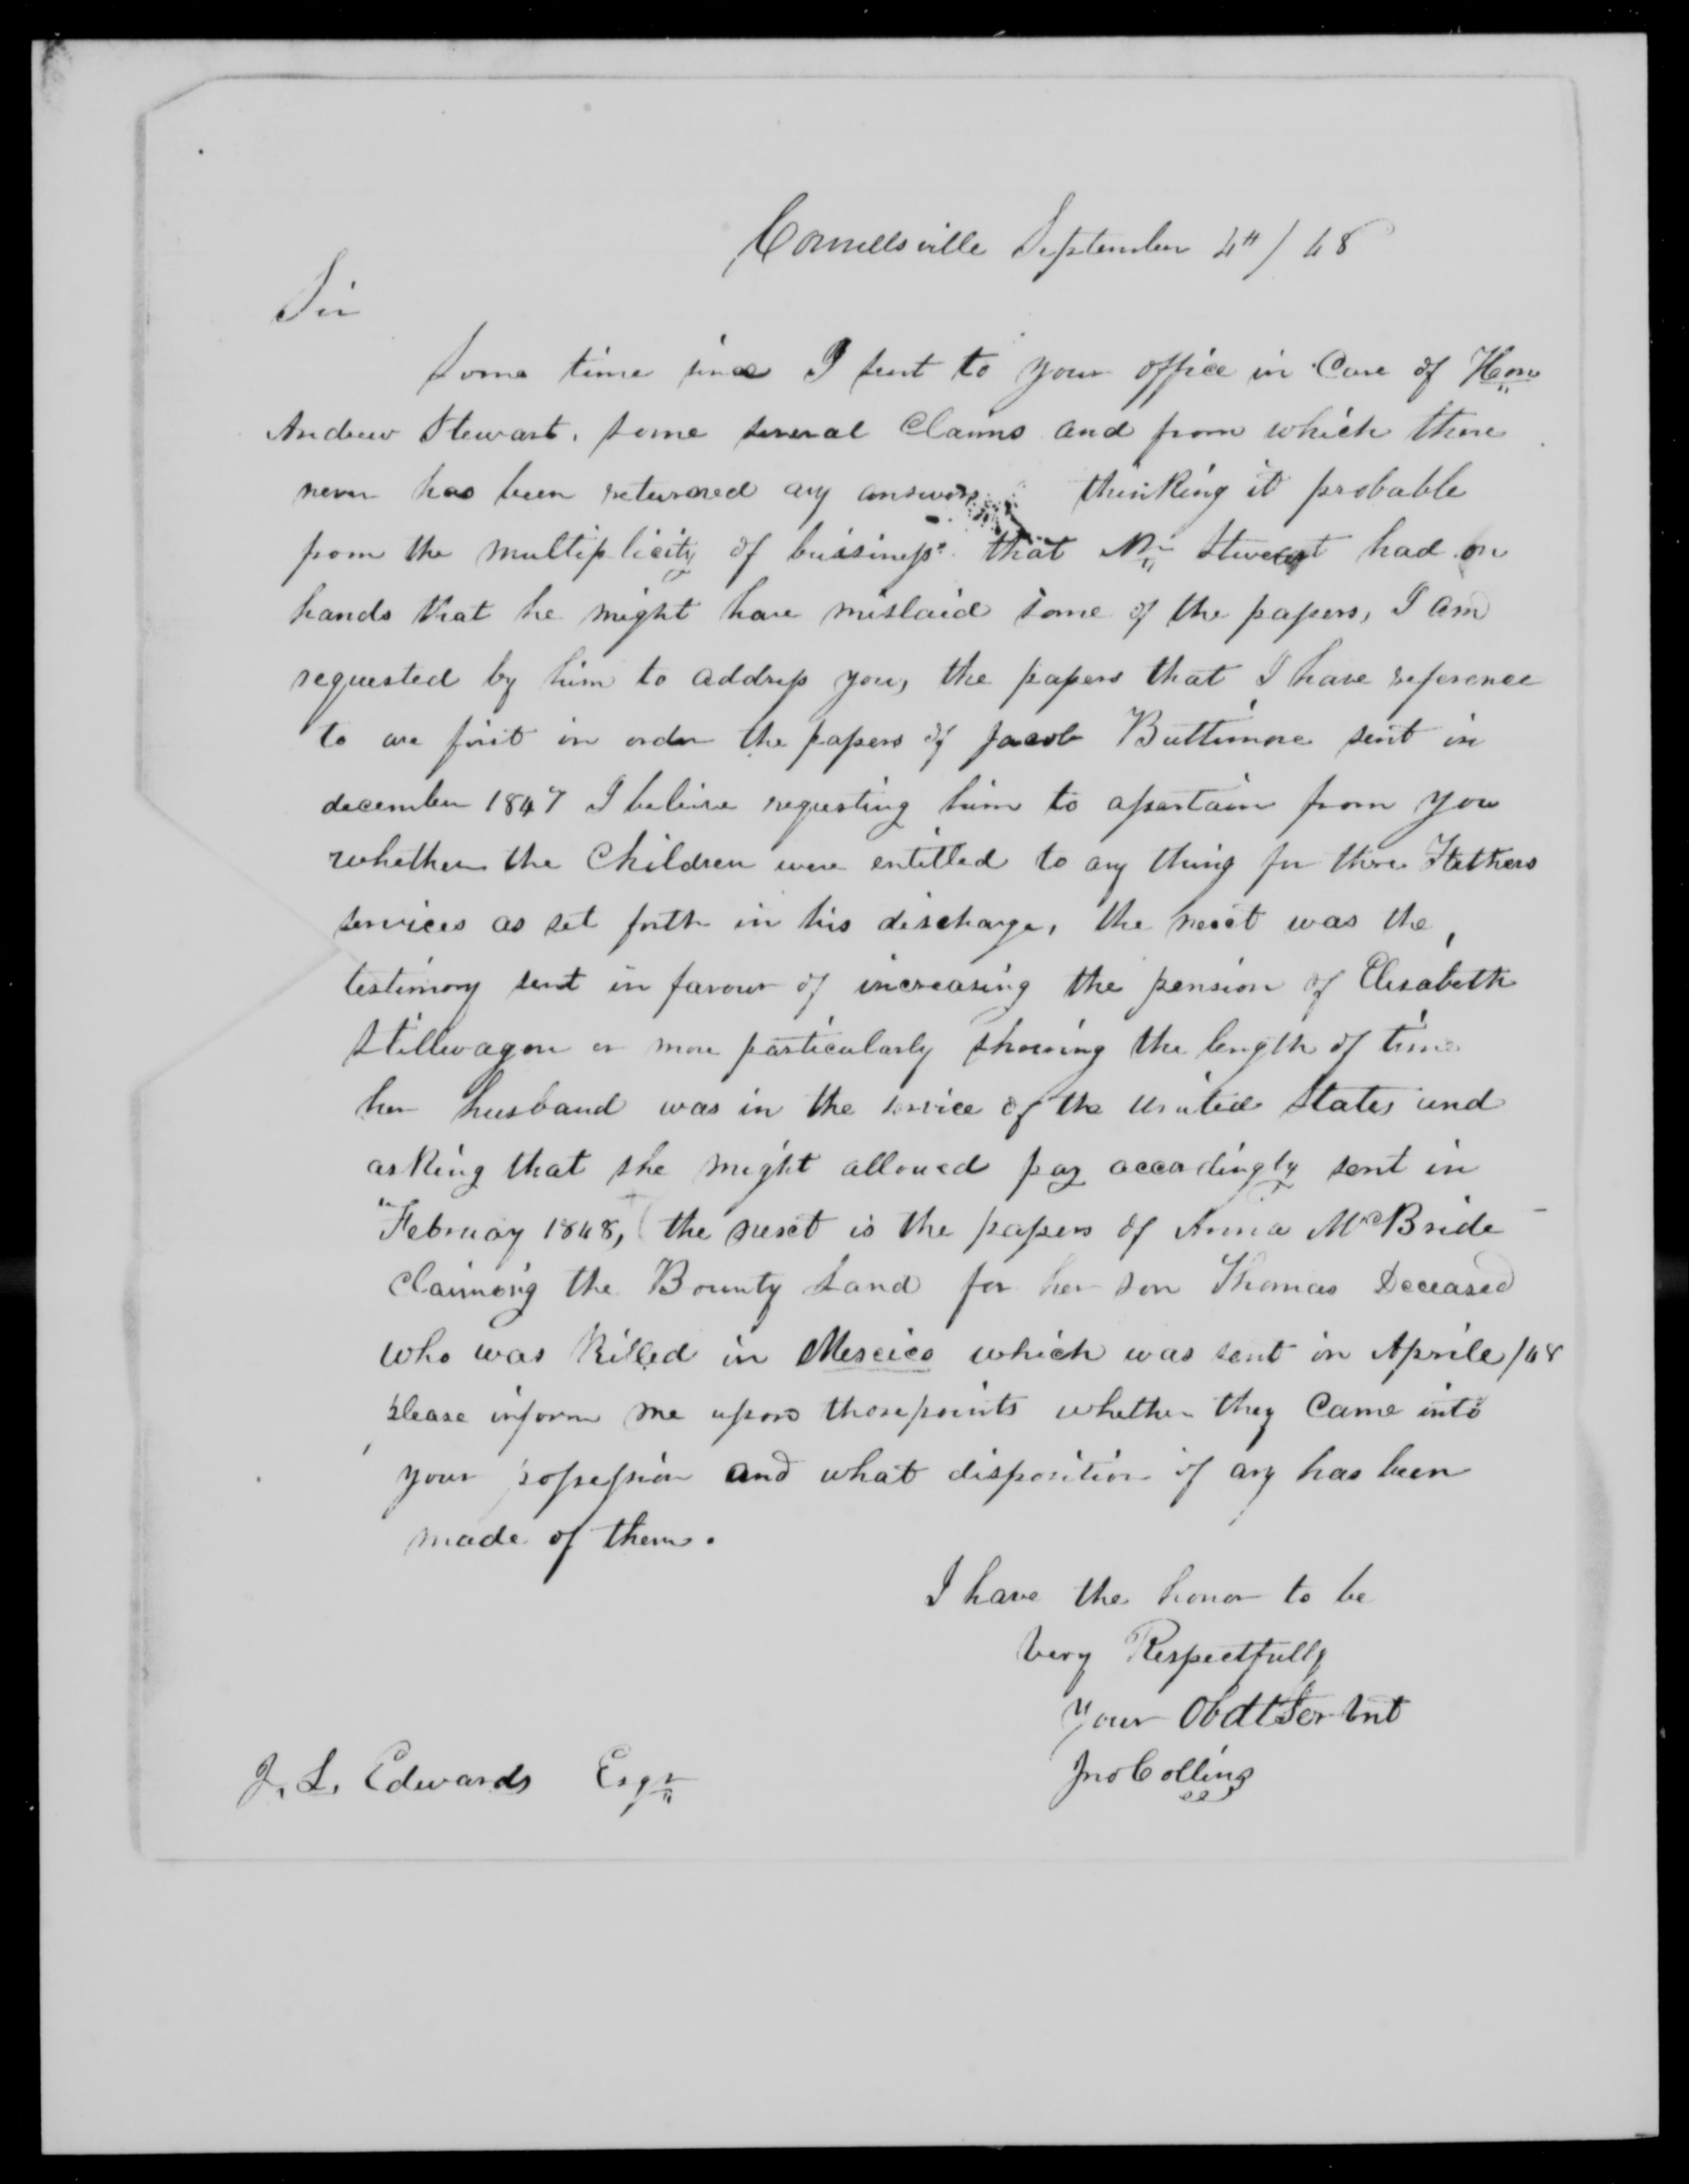Connellsville (CHECK), September 4th, 48

Sir

Some time since I sent to your office in case of Hon Andrew Stewart, some several claims and from which there never has been returned any answer, thinking it probable from the multiplicity of [illegible] that Mr. Stewart had on hands that he might have mislaid some of the papers, I am requested by him to address you, the papers that I have reference to are in order the papers of Jacob Baltimore sent in December 1847 I believe requesting him to ascertain from you whether the children were entitled to any thing for their Father’s services set forth in his discharge, the next was the testimony sent in favour of increasing the pension of Elisabeth Stillwagon or more particularly showing the length of time her husband was in the service of the United States and asking that she might allowed pay accordingly sent in February 1848, the next is the papers of Anna McBride claiming the Bounty land for her son Thomas deceased who was killed in Mexico who was sent in April/48 please inform me upon those points whether they came into your possession and what disposition if any has been made of them.

I have the honor to be
Very Respectfully
Your obdt Servant
Jno Collins

J.L. Edwards Esq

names: Jno Collins; [BLANK] Bride; Andrew Stewart; Elisabeth Stillwagon; Jacob Buttimore; [BLANK] Stwart; J L Edwards; Thomas [BLANK]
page: 46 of 73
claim: widow's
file: W. 3197, for Peter Stillwagon, New Jersey